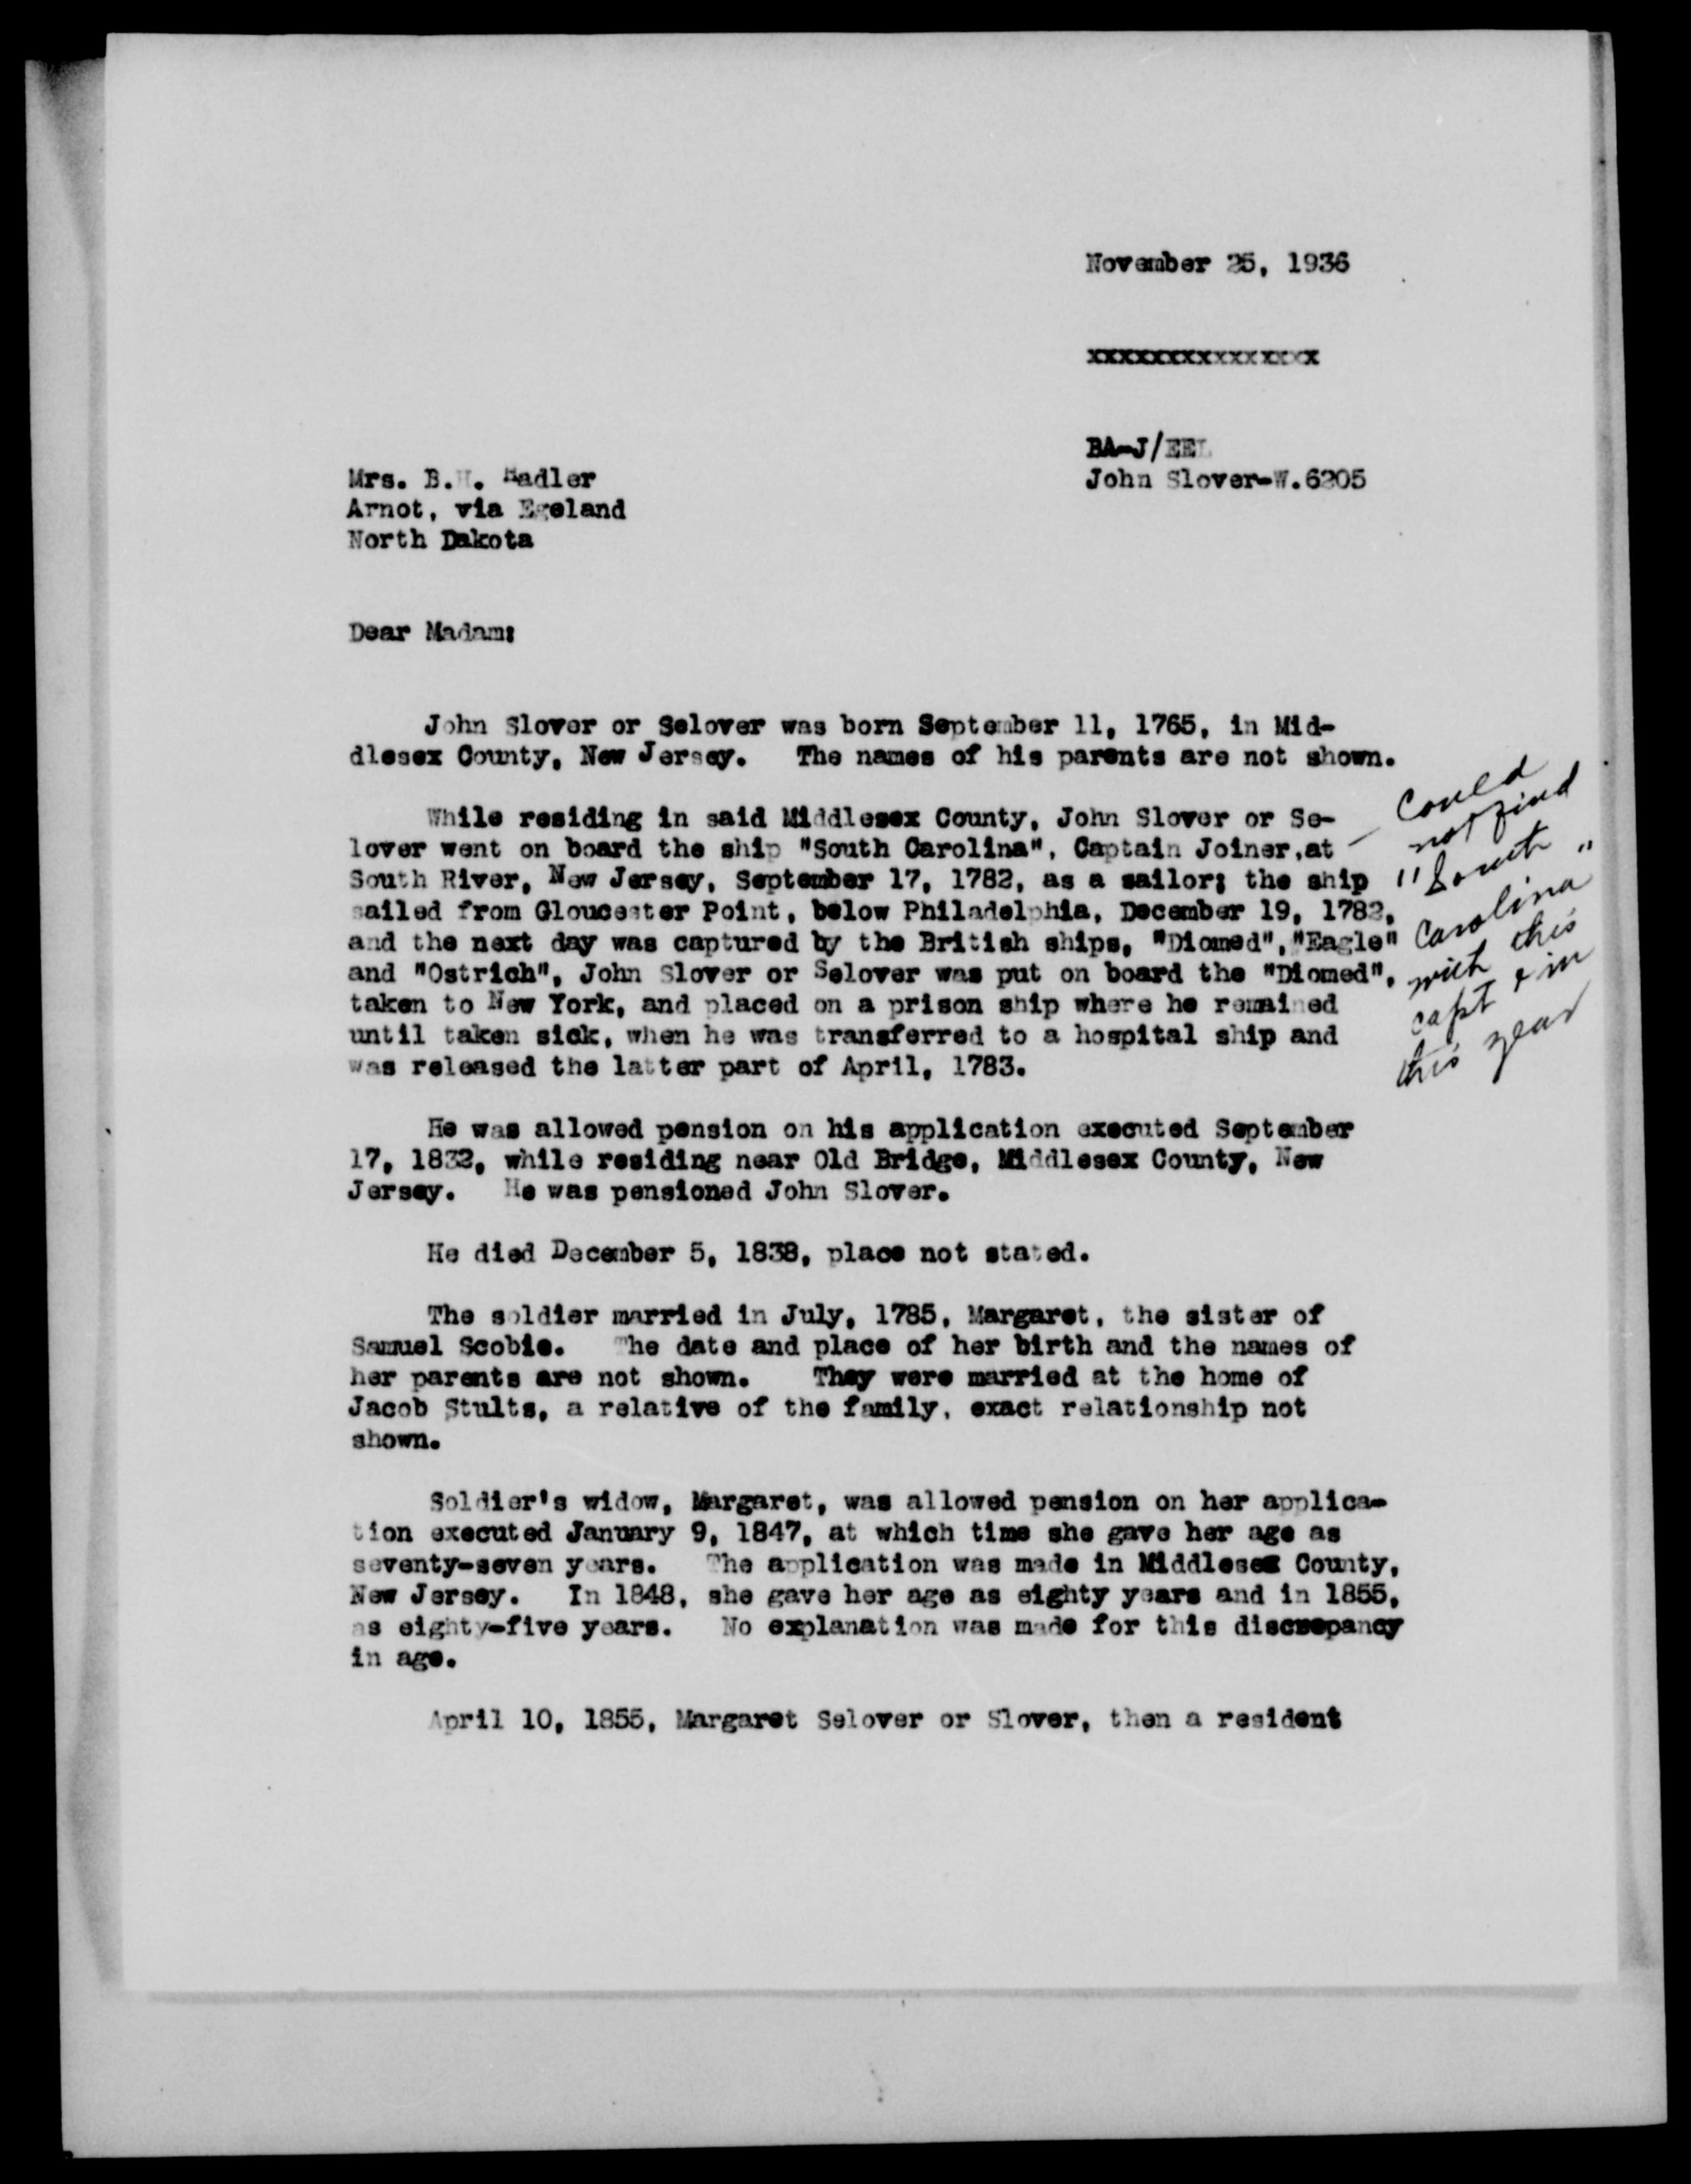November 25, 1936
BA-J/EEL
John Slover - W.6205

Mrs. B.H. Hadler
Arnot, via Egeland
North Dakota

Dear Madam:

John Slover or Selover was born September 11, 1765, in Middlesex County, New Jersey. The names of his parents are not shown.

While residing in said Middlesex County, John Slover or Selover went on board the ship "South Carolina", Captain Joiner, at South River, New Jersey, September 17, 1782, as a sailor; the ship sailed from Gloucester Point, below Philadelphia, December 19, 1782, and the next day was captured by the British ships, "Diomed", "Eagle" and "Ostrich", John Slover or Selover was put on board the "Diomed", taken to New York, and placed on a prison ship where he remained until taken sick, when he was transferred to a hospital ship and was released the latter part of April, 1783.

He was allowed pension on his application executed September 17, 1832, while residing near Old Bridge, Middlesex County, New Jersey. He was pensioned John Slover.

He died December 5, 1838, place not stated.

The soldier married in July, 1785, Margaret, the sister of Samuel Scobie. The date and place of her birth and the names of her parents are not shown. They were married at the home of Jacob Stults, a relative of the family, exact relationship not shown.

Soldier's widow, Margaret, was allowed pension on her application executed January 9, 1847, at which time she gave her age as seventy-seven years. The application was made in Middlesex County, New Jersey. In 1848, she gave her age as eighty years and in 1855, as eighty-five years. No explanation was made for this discrepancy in age.

April 10, 1855, Margaret Selover or Slover, then a resident...

(Could not find "South Carolina" with this capt(ain) & in this year.)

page: 42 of 46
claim: widow's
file: W. 6205, for John Slover, New Jersey